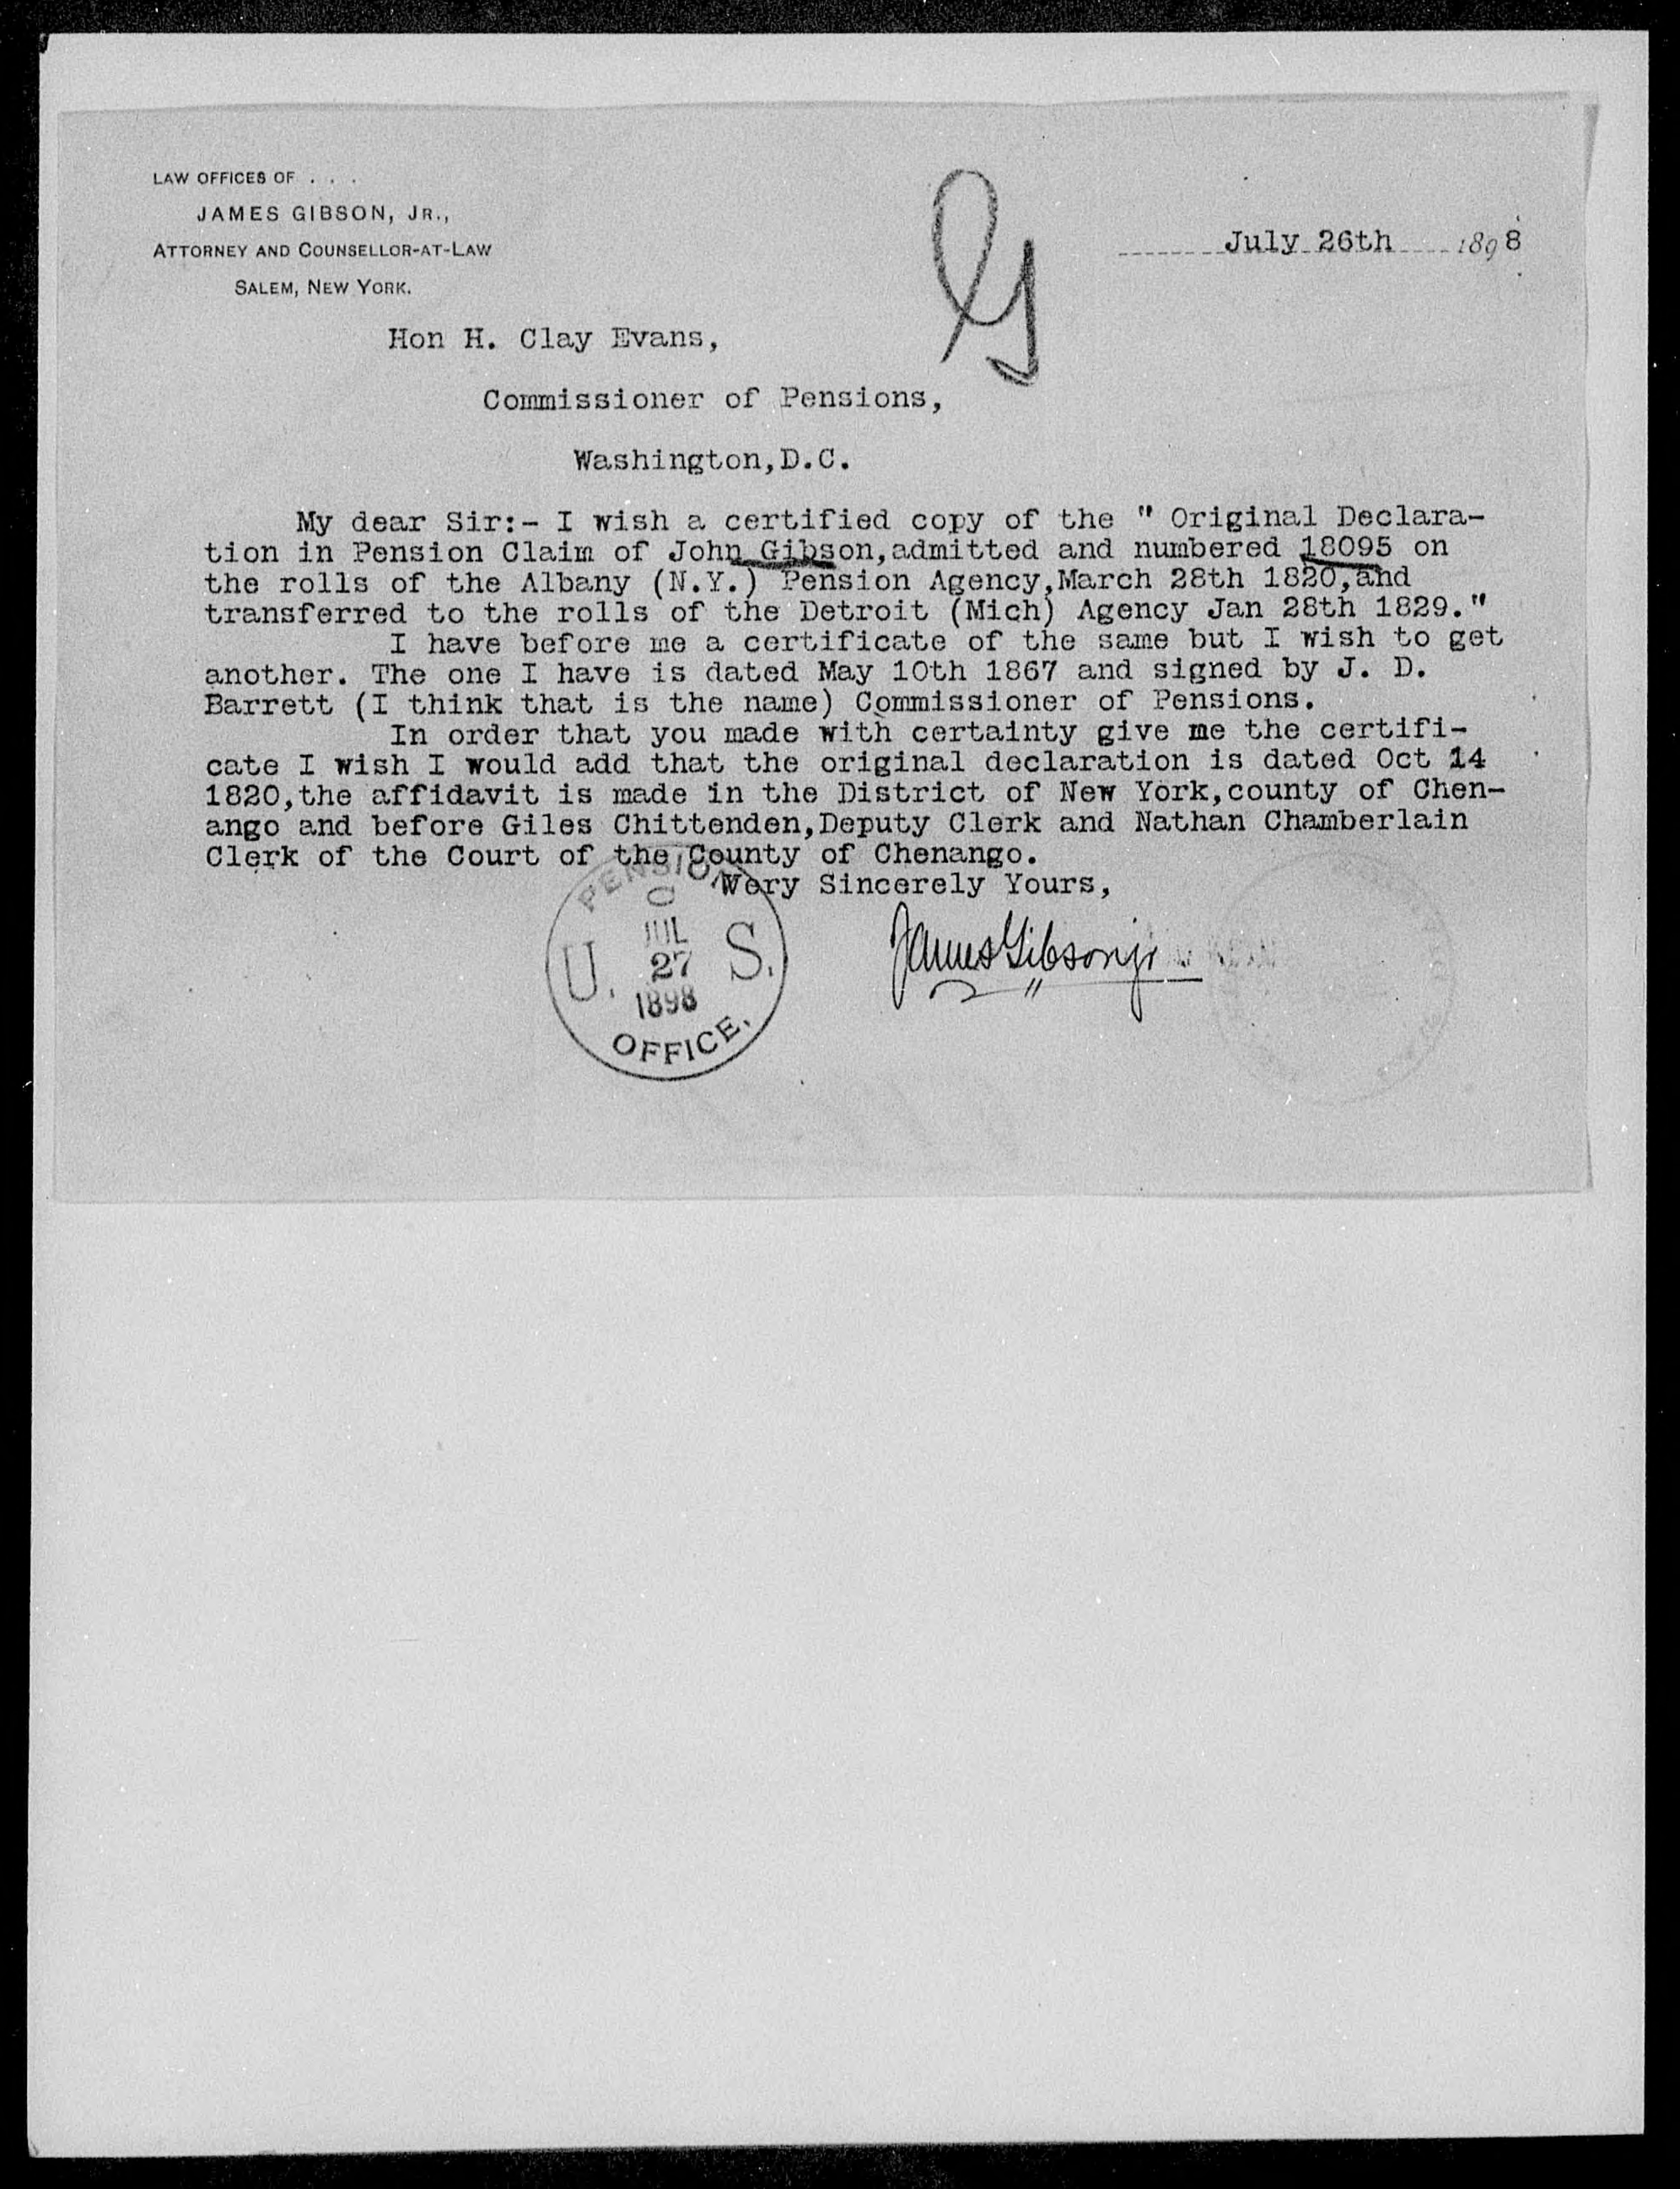LAW OFFICES OF
JAMES GIBSON, JR.
ATTORNEY AND COUNSELLOR-AT-LAW
SALEM, NEW YORK.
July 26th 1898

Hon H. Clay Evans,
Commissioner of Pensions,
Washington, D. C.
My dear Sir: - I wish a certified copy of the "Original Declaration in Pension Claim of John Gibson, admitted and numbered 18095 on the rolls of the Albany (N. Y.) Pension Agency, March 28th 1820, and transferred to the rolls of the Detroit (Mich) Agency Jan 28th 1829."
I have before me a certificate of the same but I wish to get another. The one I have is dated May 10th 1867 and signed by J. D. Barrett (I think that is the name) Commissioner of Pensions.
In order that you made with certainty give me the certificate I wish I would add that the original declaration is dated Oct 14 1820, the affidavit is made in the District of New York, county of Chenango and before Giles Chittenden, Deputy Clerk and Nathan Chamberlain Clerk of the Court of the County of Chenango.

Very Sincerely Yours,

James Gibson jr

[stamp] U.S. PENSION OFFICE Jul 27 1898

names: John Gibson, H Clay Evans, James Gibson, James Gibson, Giles Chittenden, Nathan Chamberlain, J D Barrett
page: 28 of 32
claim: survivor's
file: S. 34899, John Gibson, R.I.